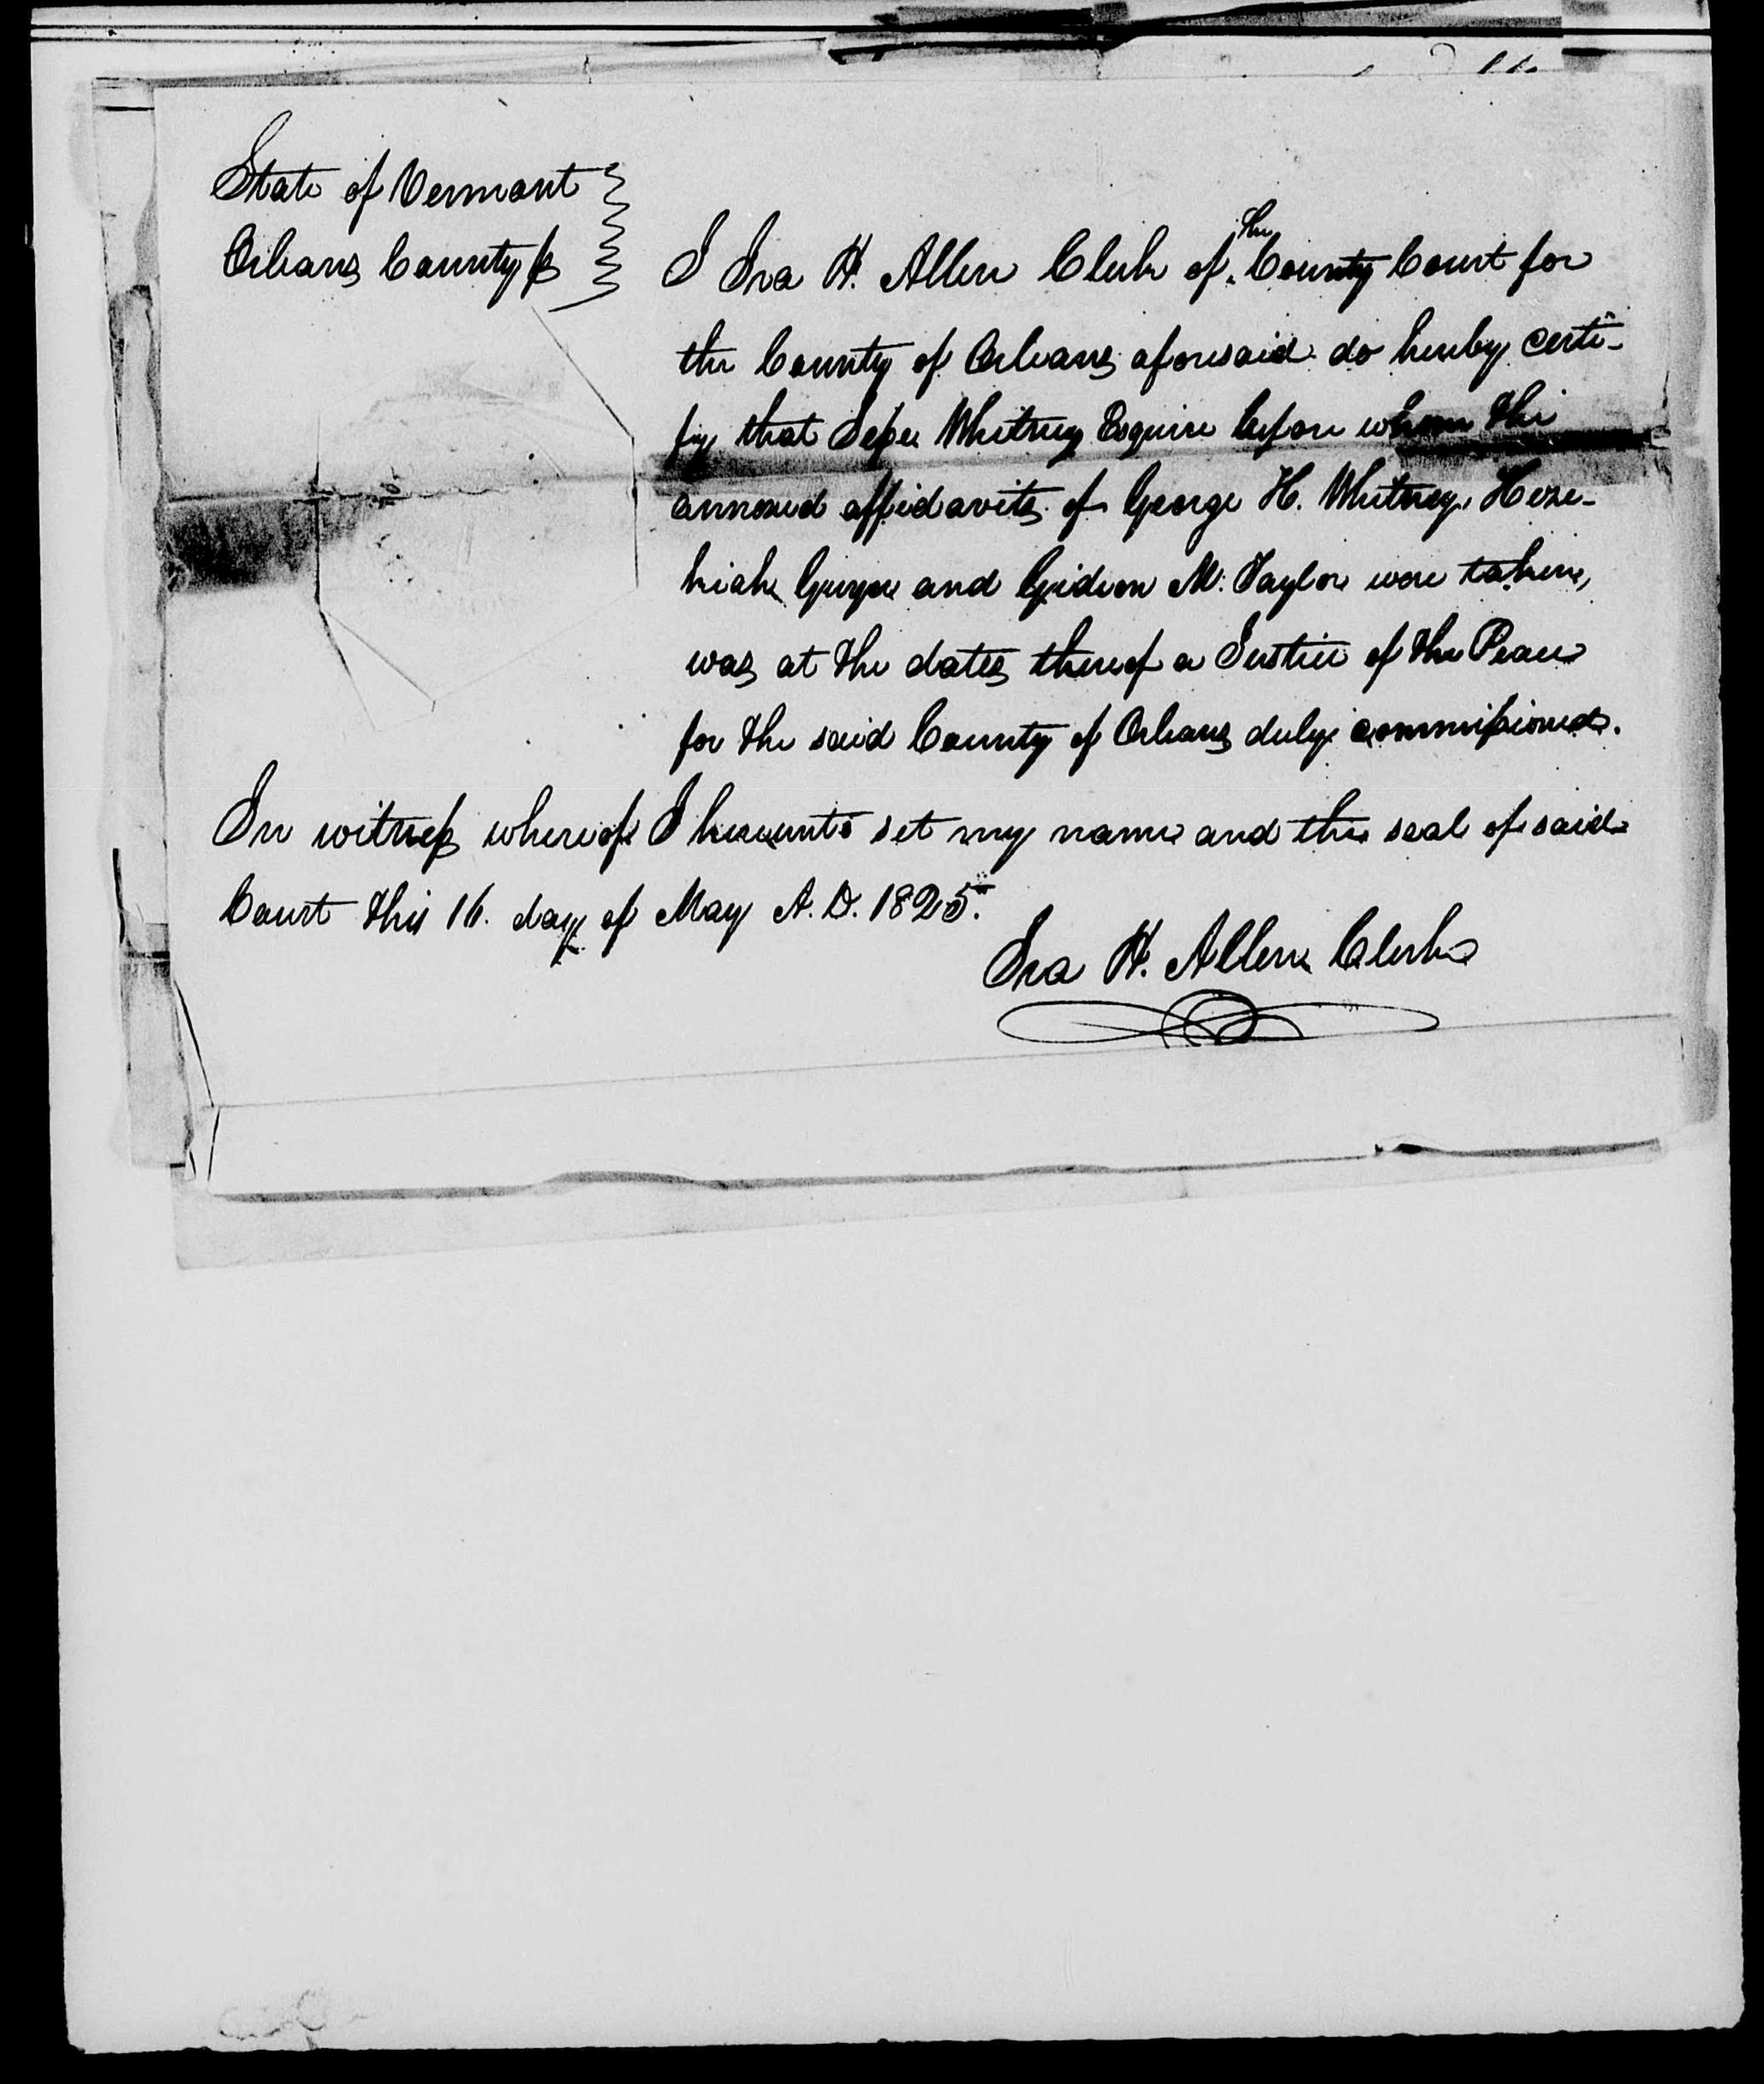State of Vermont Orlans County

I Ira H. Allen bleak of the bounty bunt for the bounty of [Unintelligible] aforesaid do humbly create [unintelligible] that debei Whitney Bomise before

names: Ira H Allen, Jesse Whitney, Gideon M Taylor, Hezekiah Guyer, George H Whitney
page: 102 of 114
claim: widow's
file: W. 2115, Seth Hubbell, Conn.